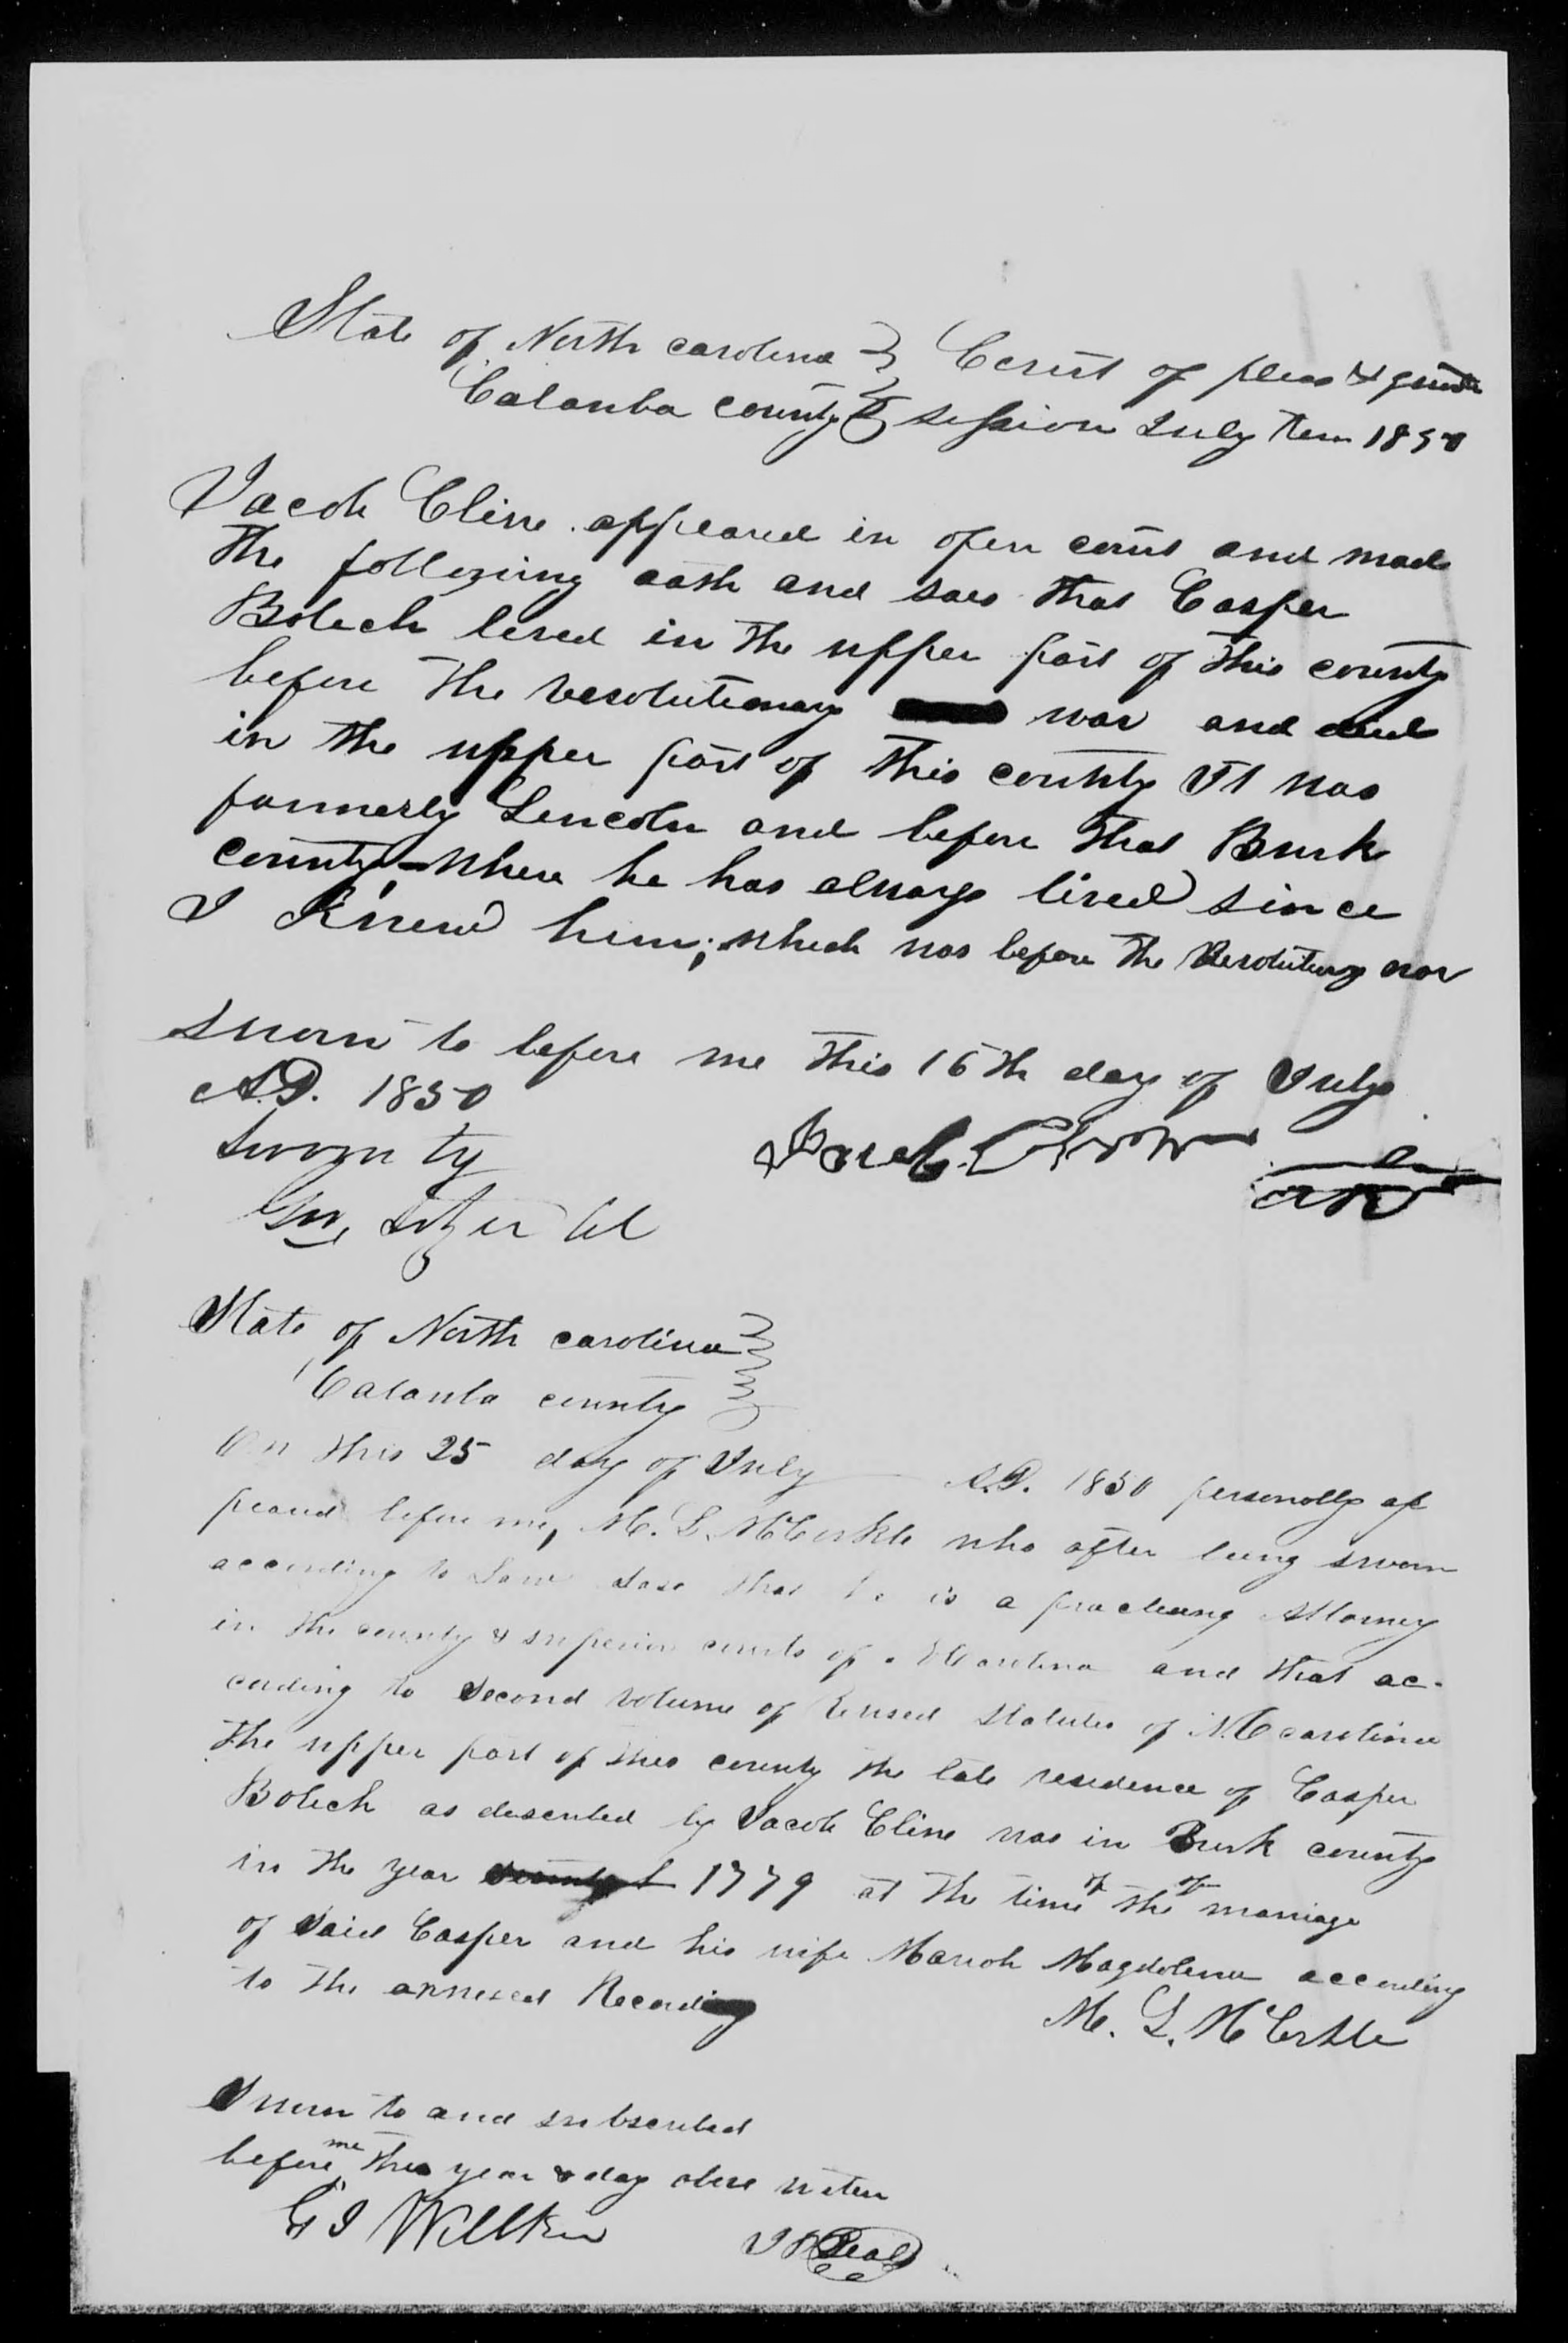State of North Carolina} Court of please & 
Catawba County } quarte sessions July term 1850

Jacob Cline appeared in open court and made the following oath and says that Casper Bolick lived in the upper part of this county before the revolutionary war and died in the upper part of this county. It was formerly Lincoln and before that Burk [Burke] county - where he has always lived since I knew him; which was before the Revolutionary war.
Sworn to before me this 16th day of July A. D. 1850 [Signature] Jacob Cline [illegible]
Sworn by
Geo. Setzer Clk

State of North Carolina}
Catawba County}
On this 25 day of July A. D. 1850 personally appeared before me M. L. McCorkle who after being sworn according to law says that he is a practicing Attorney in the county & superior courts of Newton and that according to second volume of Reused Statutes of N. Carolina the upper part of this county the late residence of Casper Bolick as described by Jacob Cline was in Burke County in the year 1779 at the time of the marriage of said Casper and his wife Marian Magdolena according to the annexed record.
[Signature] M. L. McCorkle
Sworn to and subscribed before me this year & day above written
G. J. Wilkie J. P. [seal]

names: Casper Bolech, Casper, Jacob Cline, Jacob Cline, Casper Bolech, M L Mc Corkle, Jacob Cline, G J Willkie, M L Mc Corkle, Geo Sitzer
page: 37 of 43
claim: widow's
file: W. 18,566, Casper Bolick, N.C.